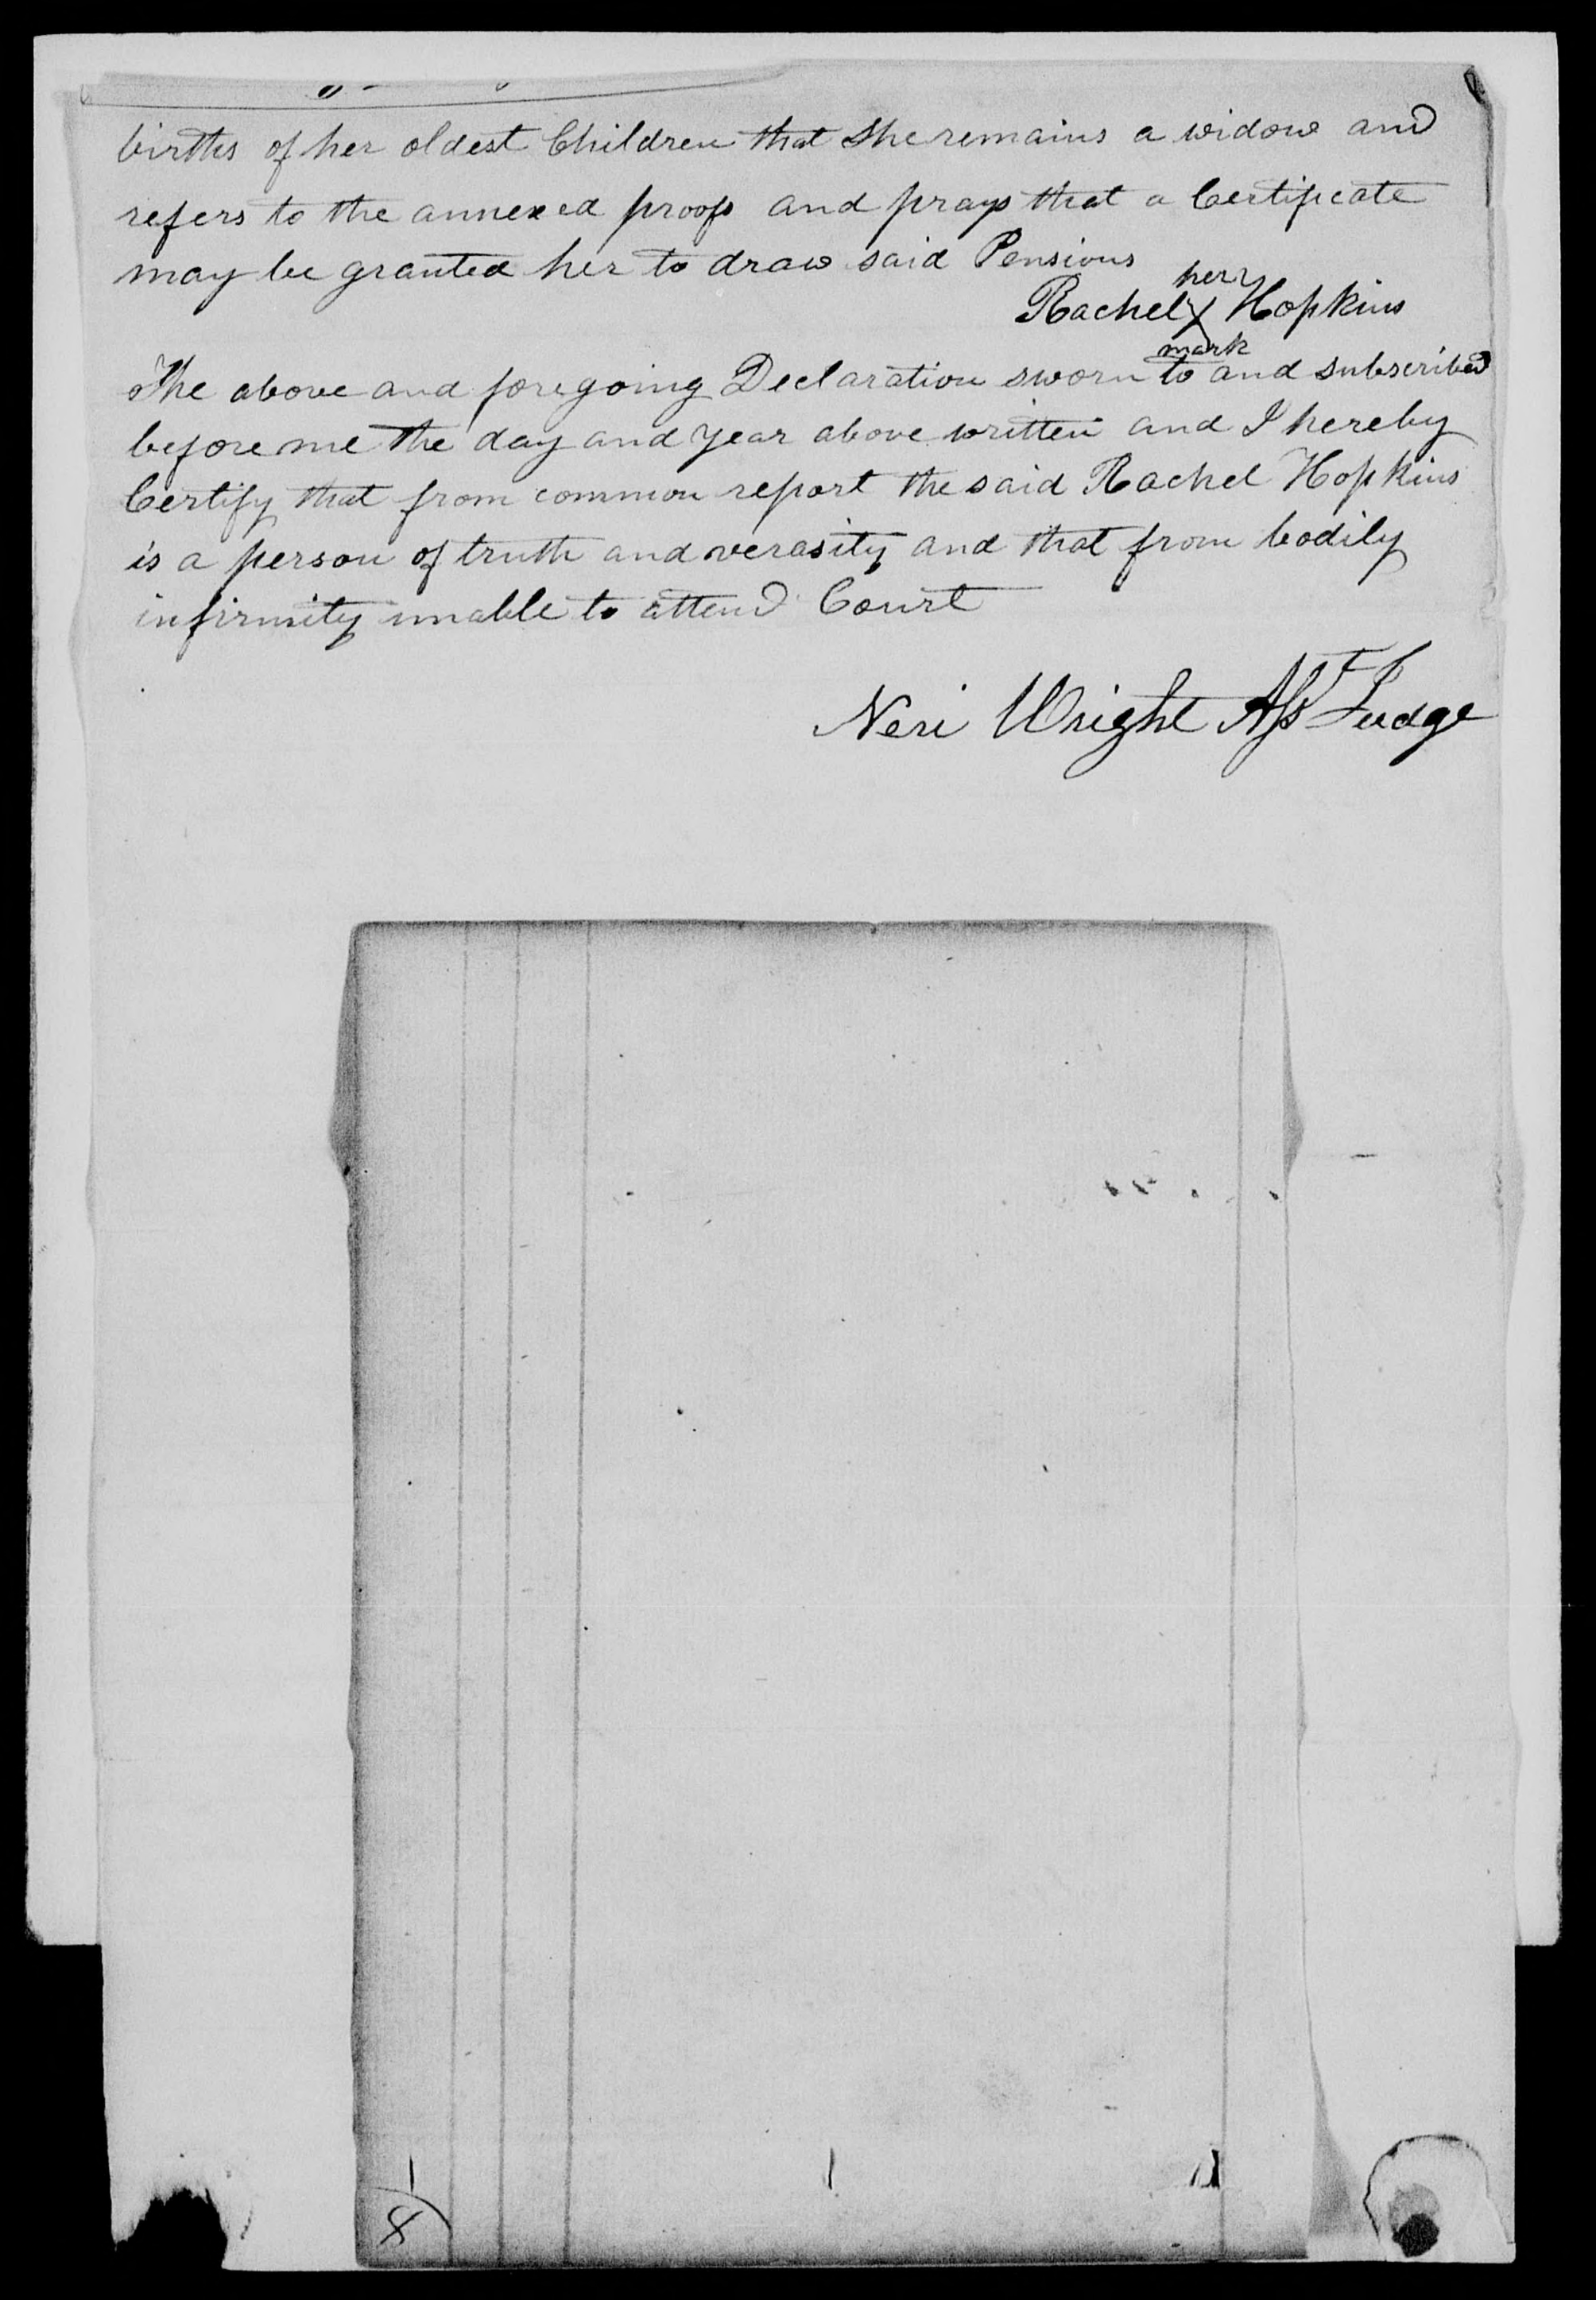births of her oldest children that she remains a widow and
refers to the annexed proofs and prays that a Certificate
may be granted her to draw said Pensions
          her
Rachel X Hopkins
          mark
The above and foregoing declaration sworn to and subscribed
before me the day and year above written and I hereby
Certify that from common report the said Rachel Hopkins
is a person of truth and verasity and that from bodily
infirmity unable to attend Court
Neri Wright Asst Judge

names: Neri Wright, Rachel Hopkins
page: 120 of 144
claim: rejected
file: R. 5208, Dennis Hopkins, N.C.